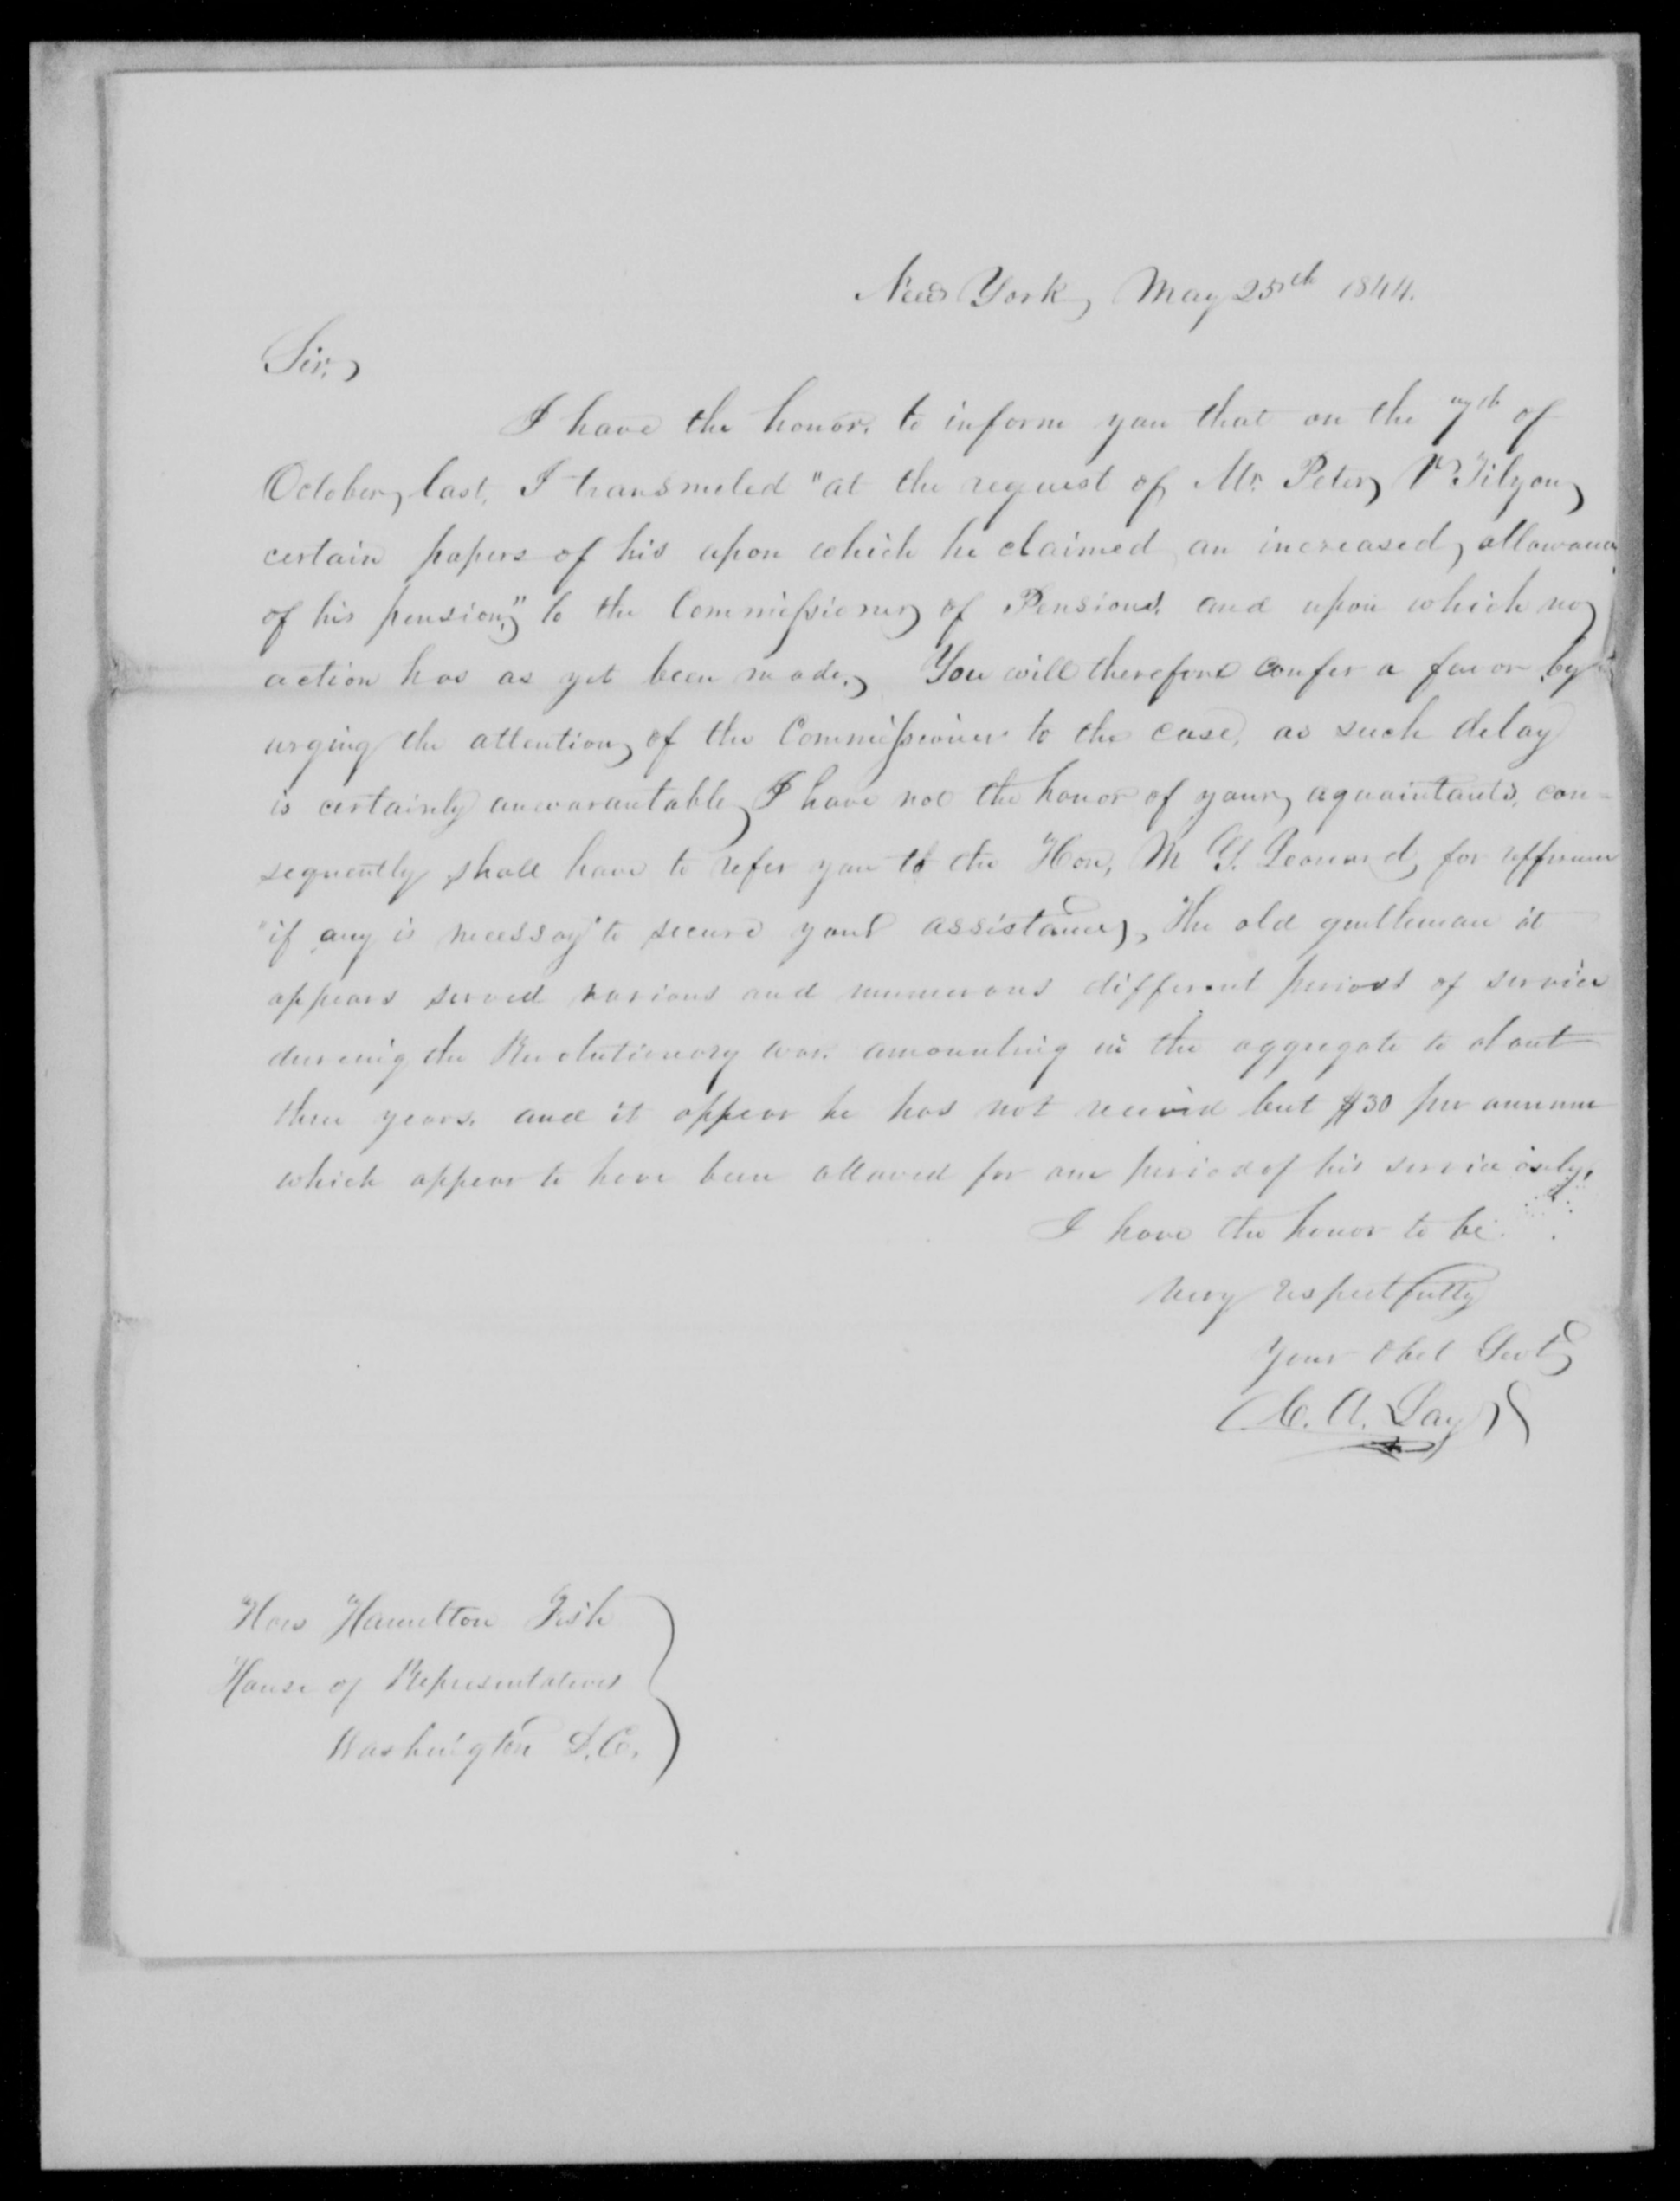New York, May 25th 1844.
Sir
I have the honor to inform you that on the 7th of
October last, I transmited "at the request of Mr Peter V. Tilyou
certain papers of his upon which he claimed an increased allowance
of his pension, to the Commissioner of Pensions and upon which my
action has as yet been made. You will therefore confer a favor by
urging the attention of the Commissioner to the case, as such delay
is certainly unwarantable I have not the honor of your aquaintants, consequently shall have to refer you to the Hon. G. Leonard for fence
if any is necessary to secure your assistance, the old gentleman at
appears served various and numerous different periods of service
during the Revolutionary was amounting in the aggregate to about
three years, and it appear he has not received but $30 per annum
which appear to have been allowed for one period of his service only
I have the honor to be
very respectfully
Your Obt Sert
C.A. Pays

Hon Hamilton Fish
House of Representations
Washington D.C.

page: 29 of 101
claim: widow's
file: W. 25481, for Peter V Tilyou, New Jersey